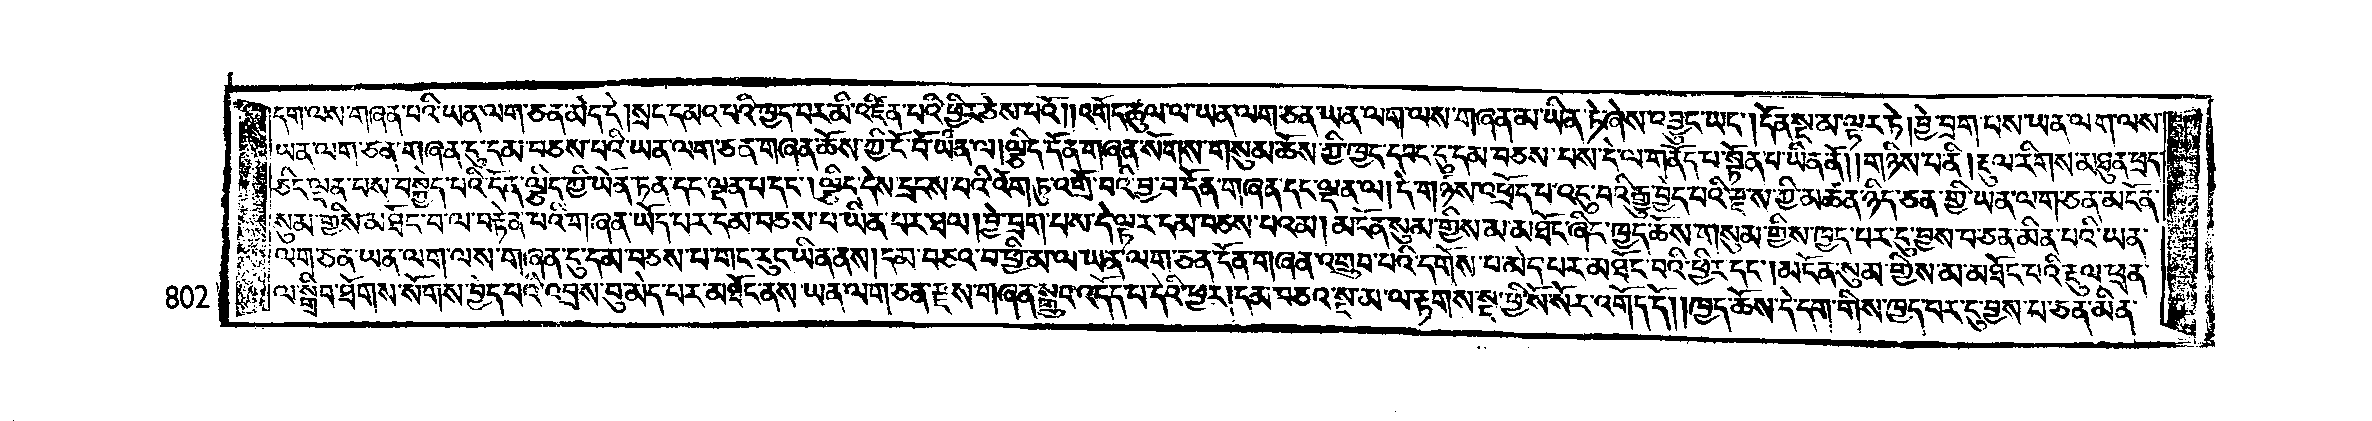དག་ལས་གཞན་པའི་ཡན་ལག་ཅན་མེད་དེ། སྲང་དམའ་པའི་ཁྱད་པར་མི་འཛིན་པའི་ཕྱིར་ཅེས་པའོ། །འགོད་ཚུལ་ལ་ཡན་ལག་ཅན་ཡན་ལག་ལས་གཞན་མ་ཡིན་ཏེ་ཞེས་འབྱུང་ཡང་། དོན་སྔ་མ་ལྟར་ཏེ། བྱེ་བྲག་པས་ཡན་ལག་ལས་
ཡན་ལག་ཅན་གཞན་དུ་དམ་བཅས་པའི་ཡན་ལག་ཅན་གཞན་ཆོས་ཀྱི་ངོ་བོ་ཡིན་ལ། ལྕིད་དོན་གཞན་སོགས་གསུམ་ཆོས་ཀྱི་ཁྱད་དབང་དུ་དམ་བཅས་པས་དེ་ལ་གནོད་པ་སྟོན་པ་ཡིན་ནོ། །གཉིས་པ་ནི། རྡུལ་རིགས་མཐུན་ཕྲད་
ཅིང་ལྡན་པས་བསྐྱེད་པའི་དོན་ལྕིད་ཀྱི་ཡོན་ཏན་དང་ལྡན་པ་དང་། ལྕིད་དེས་དྲངས་པའི་འོག་ཏུ་འགྲོ་བའི་བྱ་བ་དོན་གཞན་དང་ལྡན་ལ། དེ་གཉིས་འཕྲོད་པ་འདུ་བའི་རྒྱུ་བྱེད་པའི་རྫས་ཀྱི་མཚན་ཉིད་ཅན་གྱི་ཡན་ལག་ཅན་མངོན་
སུམ་གྱིས་མཐོང་བ་ལ་བརྟེན་པའི་གཞན་ཡོད་པར་དམ་བཅས་པ་ཡིན་པར་ཐལ། བྱེ་བྲག་པས་དེ་ལྟར་དམ་བཅས་པའམ། མངོན་སུམ་གྱིས་མ་མཐོང་ཞིང་ཁྱད་ཆོས་གསུམ་གྱིས་ཁྱད་པར་དུ་བྱས་པ་ཅན་མིན་པའི་ཡན་
ལག་ཅན་ཡན་ལག་ལས་གཞན་དུ་དམ་བཅས་པ་གང་རུང་ཡིན་ནས། དམ་བཅའ་བ་ཕྱི་མ་ལ་ཡན་ལག་ཅན་དོན་གཞན་འགྲུབ་པའི་དགོས་པ་མེད་པར་མཐོང་བའི་ཕྱིར་དང་། མངོན་སུམ་གྱིས་མ་མཐོང་པའི་རྡུལ་ཕྲན་
ལ་སྒྲིབ་ཐོགས་སོགས་བྱེད་པའི་འབྲས་བུ་མེད་པར་མཐོང་ནས་ཡན་ལག་ཅན་རྫས་གཞན་སྒྲུབ་འདོད་པ་དའི་ཕྱིར། དམ་བཅའ་སྔ་ན་ལ་རྟགས་སྔ་ཕྱི་སོ་སོར་འགོད་དོ། །ཁྱད་ཆོས་དེ་དག་གིས་ཁྱད་པར་དུ་བྱས་པ་ཅན་མིན་